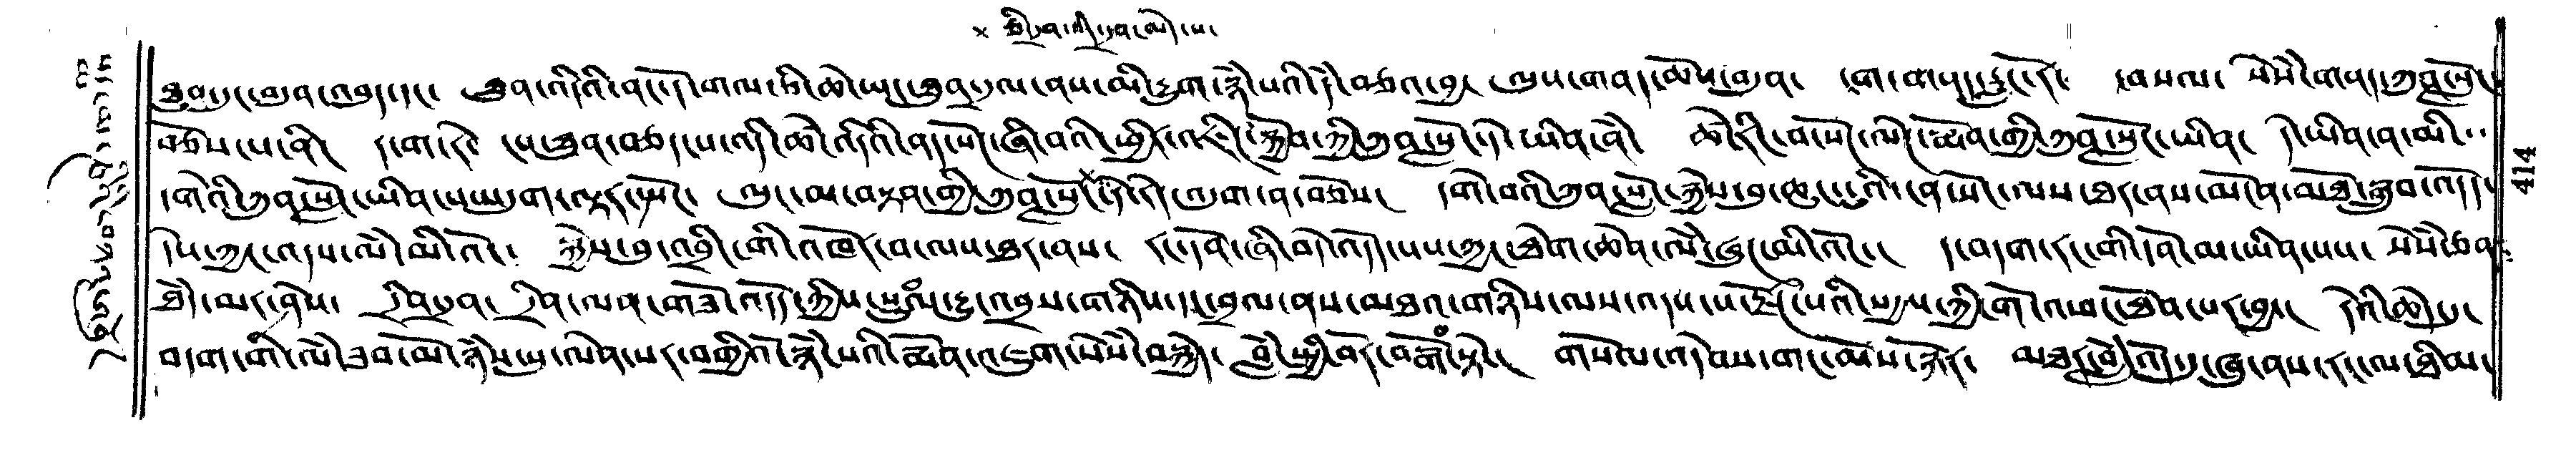ཐུན་དུང་བདུན་འབུད་དང་། ཐུན་འདིའི་ནང་དོ་གལ་ཆེ་ཡང་ཐུན་དྲལ་ནས་མི་རྒྱུག་སྙམ་པའི་དམ་བཅའ་བྱ། ལུས་གནད་ཆོས་བདུན། ངག་གནད་རླུང་རོ་བསལ། སེམས་གནད་ཀུན་སློང་
འཆོས་པ་ནི། ད་ག་རེ་ངས་ཐུན་བཅད་པ་འདི་ཚེ་འདིའི་ནད་སོགས་ཞི་བའི་ཕྱིར་འཇིགས་སྐྱོབ་ཀྱི་ཀུན་སློང་དེ་ཡིན་ནམ། ཚེ་རིང་བ་སོགས་ལེགས་སྨོན་གྱི་ཀུན་སློང་ཡིན། དེ་ཡིན་ན་མི་
དགེའི་ཀུན་སློང་ཡིན་པས་དུག་ལྟར་སྤོང་། ལུང་མ་བསྟན་གྱི་ཀུན་སློང་ཅི་དྲན་འདི་དྲན་མེད་པ་དེ་རེད་འདུག་ན་འཆོས། དགེ་བའི་ཀུན་སློང་སྐྱེས་བུ་ཆུང་ངུའི་ངན་སོང་ལས་ཐར་ནས་མངོན་མཐོ་སྒྲུབ་འདོད་
དེས་ཀྱང་འདས་ལམ་མི་འོང་།སྐྱེས་བུ་འབྲིང་གི་འཁོར་བ་ལས་ཐར་ནས། རང་དོན་ཞི་བདེ་འདོད་པས་ཀྱང་ཐེག་ཆེན་ལམ་ཞུགས་མི་འོང་། ད་བདག་རང་གི་དོན་མ་ཡིན་པས། སེམས་ཅན་
ཐམས་ཅད་མར་ཤེས། དྲིན་དྲན་དྲིན་ལན་གསབ་འདོད་ཀྱིས་སྡུག་བསྔལ་རྒྱུ་འབྲས་གཉིས་དང་བྲལ་ནས་མཐའ་གཉིས་ལས་འདས་པ་རྫོགས་པའི་སངས་རྒྱས་ཀྱི་གོ་འཕང་འཐོབ་པར་བྱ། དེའི་ཆེད་དུ་
བདག་གི་ལམ་ཟབ་མོ་ཉམས་སུ་ལེན་པར་བགྱིའོ་སྙམ་པའི་སྨོན་འཇུག་སེམས་བསྐྱེད། བླ་མ་སྤྱི་བོར་སྒོམ། གསོལ་འདེབས་གང་མོས་བྱ། མཐར་བླ་མ་འོད་དུ་ཞུ་ནས་རང་ལ་ཐིམ་